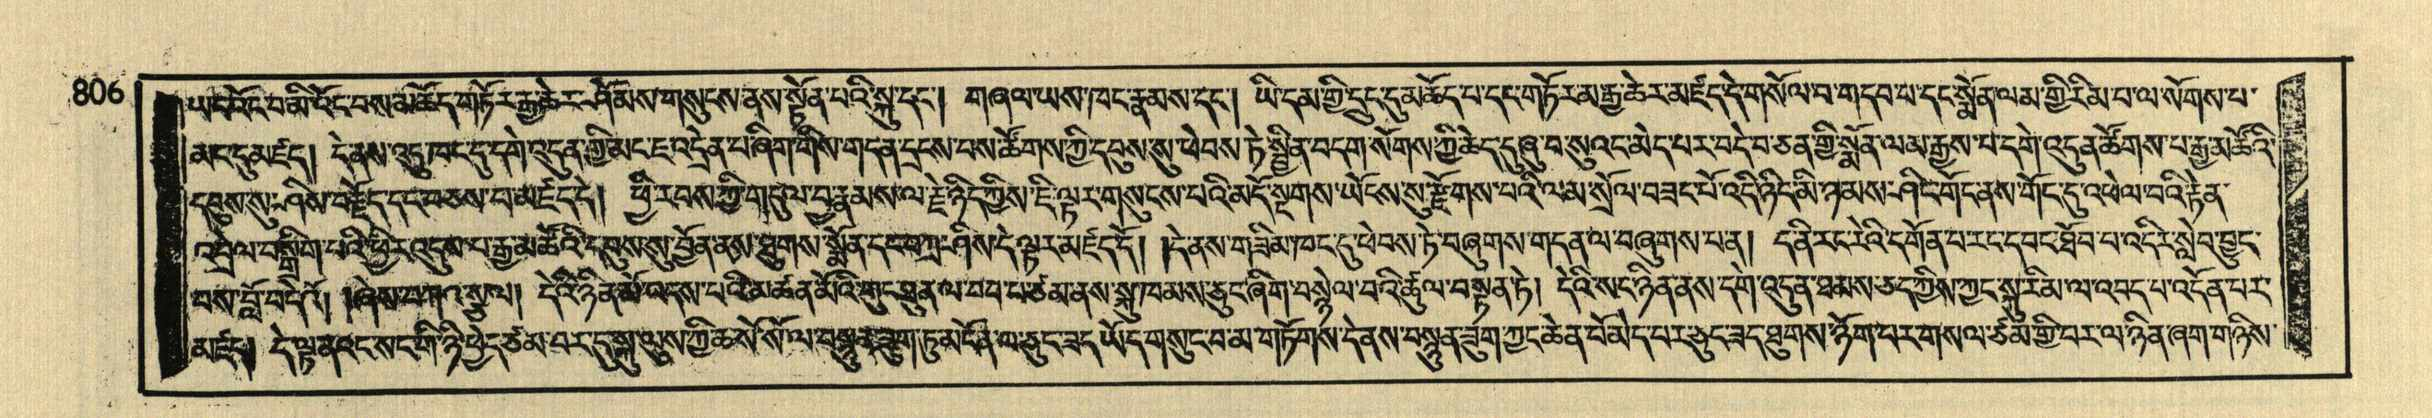ཡང་འོང་བ་མི་འོང་བས་མཆོད་གཏོར་རྒྱ་ཆེར་ཤོམས་གསུངས་ནས་སྟོན་པའི་སྐུ་དང་། གཞལ་ཡས་ཁང་རྣམས་དང་། ཡི་དམ་གྱི་དྲུང་དུ་མཆོད་པ་དང་གཏོར་མ་རྒྱ་ཆེར་མཛད་དེ་གསོལ་བ་གདབ་པ་དང་སྨོན་ལམ་གྱི་རིམ་པ་ལ་སོགས་པ་
མང་དུ་མཛད། དེ་ནས་འདུ་ཁང་དུ་དགེ་འདུན་གྱི་མང་ཇ་འདྲེན་པ་ཞིག་གིས་གདན་དྲངས་པས་ཚོགས་ཀྱི་དབུས་སུ་ཕེབས་ཏེ་སྦྱིན་བདག་སོགས་ཀྱི་ཆེད་དུ་ཞུ་བ་སུའང་མེད་པར་བདེ་བ་ཅན་གྱི་སྨོན་ལམ་རྒྱས་པ་དགེ་འདུན་ཚོགས་པ་རྒྱ་མཚོའི་
དབུས་སུ་ཤིས་བརྗོད་དང་བཅས་པ་མཛད་དེ། ཕྱི་རབས་ཀྱི་གདུལ་བྱ་རྣམས་ལ་རྗེ་ཉིད་ཀྱིས་ཇི་ལྟར་གསུངས་པའི་མདོ་སྔགས་ཡོངས་སུ་རྫོགས་པའི་ལམ་སྲོལ་བཟང་པོ་འདི་ཉིད་མི་ཉམས་ཤིང་གོང་ནས་གོང་དུ་འཕེལ་བའི་རྟེན་
འབྲེལ་བསྒྲིག་པའི་ཕྱིར་འདུས་པ་རྒྱ་མཚོའི་དབུས་སུ་བྱོན་ནས་ཐུགས་སྨོན་དང་བཀྲ་ཤིས་དེ་ལྟར་མཛད་དོ། །དེ་ནས་གཟིམ་ཁང་དུ་ཕེབས་ཏེ་བཞུགས་གདན་ལ་བཞུགས་པ་ན། ད་ནི་རང་རེའི་དགོན་པ་རང་དབང་ཐོབ་པ་འདིར་སླེབ་བྱུང་
བས་བློ་བདེའོ། །ཞེས་བཀའ་སྩལ། དེའི་ཉིན་མོ་འདས་པའི་མཚན་མོའི་གུང་ཐུན་ལ་བབ་པ་ཙམ་ནས་སྐུ་ཁམས་ཅུང་ཞིག་བསྙེལ་བའི་ཚུལ་བསྟན་ཏེ། དེའི་སང་ཉིན་ནས་དགེ་འདུན་ཐམས་ཅད་ཀྱིས་ཀྱང་སྐུ་རིམ་ལ་འབད་པ་འདོན་པར་
མཛད། དེ་ལྟ་ནའང་སང་གི་ཉི་ཕྱེད་ཙམ་བར་དུ་སྐུ་ལུས་ཀྱི་ཆ་སོ་སོ་ལ་བསྙུན་ཟུག་ཏུ་མངོན་བ་ཅུང་ཟད་ཡོད་གསུང་བ་མ་གཏོགས་དེ་ནས་བསྙུན་ཟུག་ཀྱང་ཆེན་པོ་མེད་པར་ཅུང་ཟད་ཐུགས་ཉོག་པར་གསལ་ཙམ་གྱི་བར་ལ་ཉིན་ཞག་གཉིས་